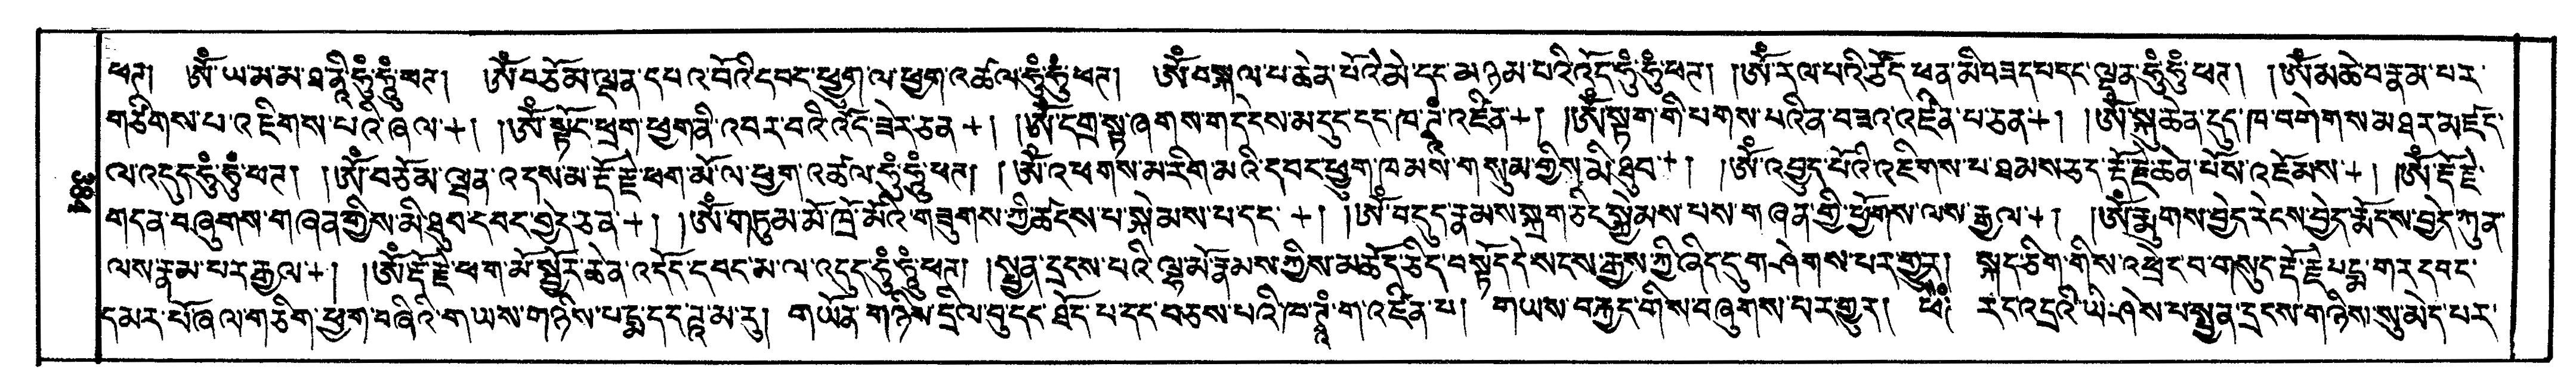ཕཊ། ཨོཾ་ཡ་མ་མ་ཐ་ནཱི་ཧུཾ་ཧཱུཾ་ཕཊ། ཨོཾ་བཅོམ་ལྡན་འདས་དཔའ་བོའི་དབང་ཕྱུག་ལ་ཕྱག་འཚལ་ཧུཾ་ཧཱུཾ་ཕཊ། །ཨོཾ་བསྐལ་པ་ཆེན་པོའི་མེ་དང་མཉམ་པའི་འོད་ཧུཾ་ཧཱུཾ་ཕཊ། །ཨོཾ་རལ་པའི་ཅོད་པན་མི་བཟད་པ་དང་ལྡན་ཧུཾ་ཧཱུཾ་ཕཊ། །ཨོཾ་མཆེ་བ་རྣམ་པར་
གཙིགས་པ་འཇིགས་པའི་ཞལ། །ཨོཾ་སྟོང་ཕྲག་ཕྱག་ནི་འབར་བའི་འོད་ཟེར་ཅན། །ཨོཾ་དགྲ་སྟ་ཞགས་གདེངས་མདུང་དང་ཁ་ཊྭཱཾ་འཛིན། །ཨོཾ་སྟག་གི་པགས་པའི་ན་བཟའ་འཛིན་པ་ཅན། །ཨོཾ་སྐུ་ཆེན་དུང་ཁ་བགེགས་མཐར་མཛད་
ལ་འདུང་ཧུཾ་ཧུཾ་ཕཊ། །ཨོཾ་བཅོམ་ལྡན་འདས་མ་རྡོ་རྗེ་ཕག་མོ་ལ་ཕྱག་འཚལ་ཧུཾ་ཧཱུཾ་ཕཊ། །ཨོཾ་འཕགས་མ་རིག་མའི་དབང་ཕྱུག་ཁམས་གསུམ་གྱིས་མི་ཐུབ། །ཨོཾ་འབྱུང་པོའི་འཇིགས་པ་ཐམས་ཅད་རྡོ་རྗེ་ཆེན་པོས་འཇོམས། །ཨོཾ་རྡོ་རྗེ་
གདན་བཞུགས་གཞན་གྱིས་མི་ཐུབ་དབང་བྱེད་ཅན། །ཨོཾ་གཏུམ་མོ་ཁྲོ་མོའི་གཟུགས་ཀྱི་ཚངས་པ་སྐེམས་པ་དང་། །ཨོཾ་བདུད་རྣམས་སྐྲག་ཅིང་སྐྱེམས་པས་གཞན་གྱི་ཕྱོགས་ལས་རྒྱལ། །ཨོཾ་རྨུགས་བྱེད་རེངས་བྱེད་རྨོངས་བྱེད་ཀུན་
ལས་རྣམ་པར་རྒྱལ། །ཨོཾ་རྡོ་རྗེ་ཕག་མོ་སྦྱོར་ཆེན་འདོད་དབང་མ་ལ་འདུད་ཧུཾ་ཧཱུཾ་ཕཊ། །སྤྱན་དྲངས་པའི་ལྷ་མོ་རྣམས་ཀྱིས་མཆོད་ཅིང་བསྟོད་དེ་སངས་རྒྱས་ཀྱི་ཞིང་དུ་གཤེགས་པར་གྱུར། སྐད་ཅིག་གིས་འཕྲེང་བ་གསུང་རྡོ་རྗེ་པདམ་གར་དབང་
དམར་པོ་ཞལ་གཅིག་ཕྱག་བཞིའི་གཡས་གཉིས་པདམ་དང་ཊཱ་མ་རུ། གཡོན་གཉིས་དྲིལ་བུ་དང་ཐོད་པ་དང་བཅས་པའི་ཁ་ཊྭཱཾ་ག་འཛིན་པ། གཡས་བརྐྱང་གིས་བཞུགས་པར་གྱུར། ཕཻཾ། རང་འདྲའི་ཡེ་ཤེས་པ་སྤྱན་དྲངས་གཉིས་སུ་མེད་པར་